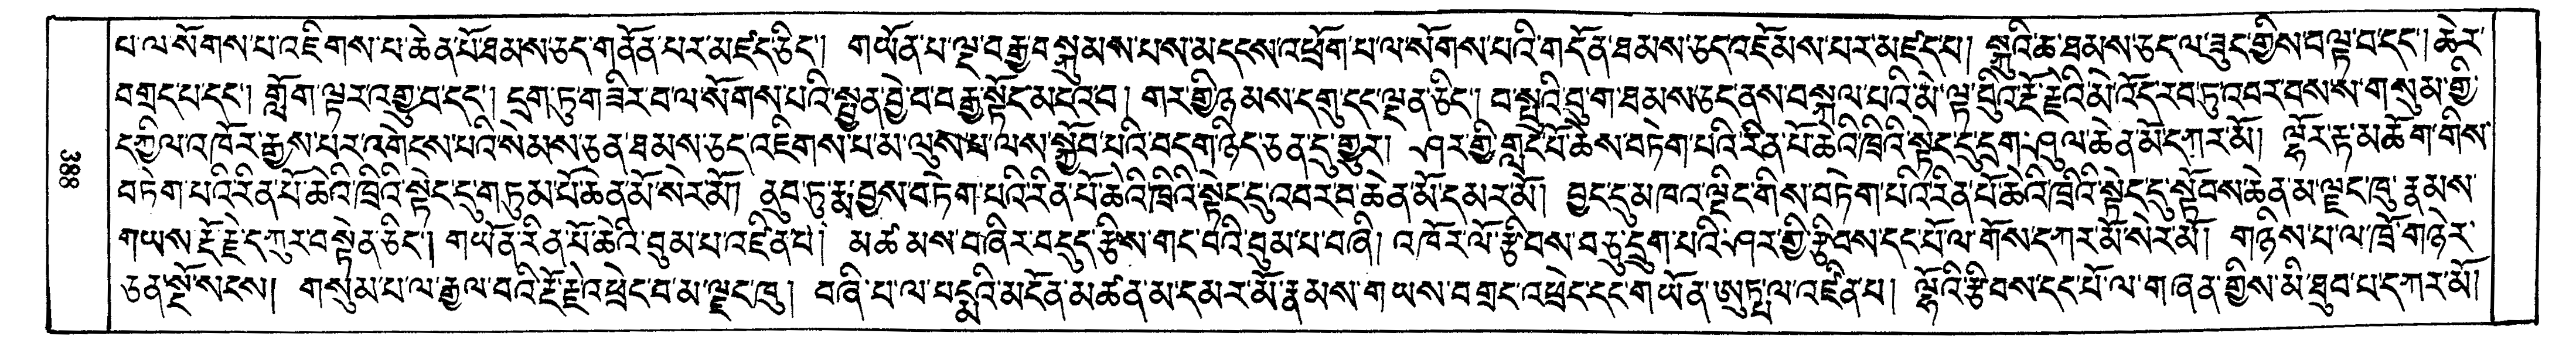པ་ལ་སོགས་པ་འཇིགས་པ་ཆེན་པོ་ཐམས་ཅད་གནོན་པར་མཛད་ཅིང་། གཡོན་པ་ལྔ་བརྒྱ་བསྐུམས་པས་མདངས་འཕྲོག་པ་ལ་སོགས་པའི་གདོན་ཐམས་ཅད་འཇོམས་པར་མཛད་པ། སྐུའི་ཆ་ཐམས་ཅད་ལ་ཟུར་གྱིས་བལྟ་བ་དང་། ཆེར་
བགྲད་པ་དང་། གློག་ལྟར་འགྱུར་བ་དང་། དྲག་ཏུ་གཟེར་བ་ལ་སོགས་པའི་སྤྱན་བྱེ་བ་བརྒྱ་སྟོང་མངའ་བ། གར་གྱི་ཉམས་དགུ་དང་ལྡན་ཅིང་། བ་སྤུའི་བུ་ག་ཐམས་ཅད་ནས་བསྐལ་པའི་མེ་ལྟ་བུའི་རྡོ་རྗེའི་མེ་འོད་རབ་ཏུ་འབར་བས་ས་གསུམ་གྱི་
དཀྱིལ་འཁོར་རྒྱས་པར་འགེངས་པའི་སེམས་ཅན་ཐམས་ཅད་འཇིགས་པ་མ་ལུས་པ་ལས་སྐྱོབ་པའི་བདག་ཉིད་ཅན་དུ་གྱུར། ཤར་གྱི་གླང་པོ་ཆེས་བཏེག་པའི་རིན་པོ་ཆེའི་ཁྲིའི་སྟེང་དུ་དྲག་ཤུལ་ཆེན་མོ་དཀར་མོ། ལྷོར་རྟ་མཆོག་གིས་
བཏེག་པའི་རིན་པོ་ཆེའི་ཁྲིའི་སྟེང་དུ་གཏུམ་པ་ཆེན་མོ་སེར་མོ། ནུབ་ཏུ་རྨ་བྱས་བཏེག་པའི་རིན་པོ་ཆེའི་ཁྲིའི་སྟེང་དུ་འབར་བ་ཆེན་མོ་དམར་མོ། བྱང་དུ་མཁའ་ལྡིང་གིས་བཏེག་པའི་རིན་པོ་ཆེའི་ཁྲིའི་སྟེང་དུ་སྟོབས་ཆེན་མ་ལྗང་ཁུ་རྣམས་
གཡས་རྡོ་རྗེ་དཀུང་བསྟེན་ཅིང་། གཡོན་རིན་པོ་ཆེའི་བུམ་པ་འཛིན་པ། མཚམས་བཞིར་བདུད་རྩིས་གང་བའི་བུམ་པ་བཞི། འཁོར་ལོ་རྩིབས་བཅུ་དྲུག་པའི་ཤར་གྱི་རྩིབས་དང་པོ་ལ་གོས་དཀར་མོ་སེར་མོ། གཉིས་པ་ལ་ཁྲོ་གཉེར་
ཅན་སྔོ་སངས། གསུམ་པ་ལ་རྒྱལ་བའི་རྡོ་རྗེ་འཕྲེང་བ་མ་ལྗང་ཁུ། བཞི་པ་ལ་པདམའི་མངོན་མཚན་མ་དམར་མོ་རྣམས་གཡས་བགྲང་འཕྲེང་དང་གཡོན་ཨུཏྤལ་འཛིན་པ། ལྷོའི་རྩིབས་དང་པོ་ལ་གཞན་གྱིས་མི་ཐུབ་པ་དཀར་མོ་